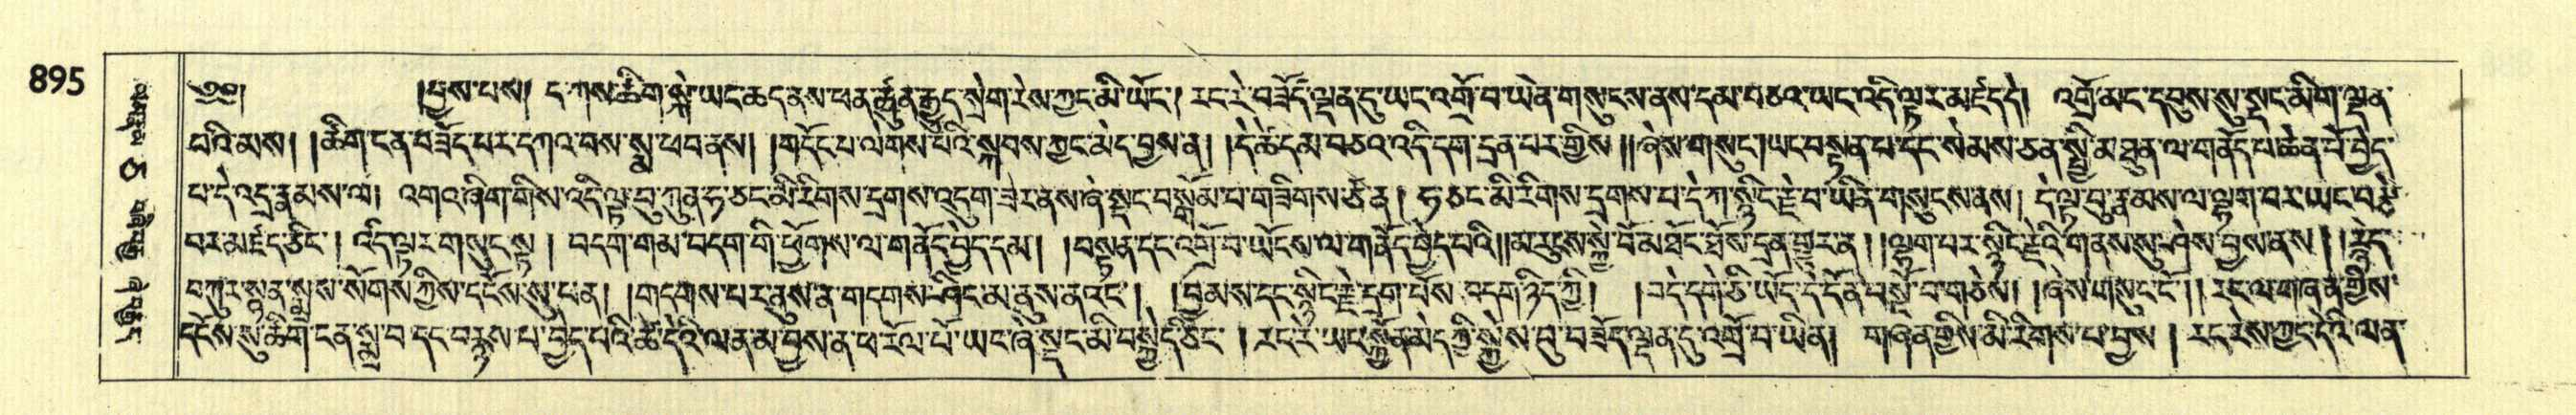༄༅། །བྱས་པས། ད་ཀས་ཚིག་སྐེ་ཡང་ཆད་ནས་ཕན་ཚུན་རྒྱུད་སྲེག་རེས་ཀྱང་མི་ཡོང་། རང་རེ་བཟོད་ལྡན་དུ་ཡང་འགྲོ་བ་ཡེན་གསུངས་ནས་དམ་བཅའ་ཡང་འདི་ལྟར་མཛད་དེ། འགྲོ་མང་དབུས་སུ་སྡང་མིག་ལྡན་
པའི་མས། །ཚིག་ངན་བཟོད་པར་དཀའ་བས་སྨ་ཕབ་ནས། །གདོང་པ་ལེགས་པའི་སྐབས་ཀྱང་མེད་བྱས་ན། །དེ་ཚེ་དམ་བཅའ་འདི་དག་དྲན་པར་གྱིས། །ཞེས་གསུང་། ཡང་བསྟན་པ་དང་སེམས་ཅན་སྤྱི་མཐུན་ལ་གནོད་པ་ཆེན་པོ་བྱེད་
པ་དེ་འདྲ་རྣམས་ལ། འགའ་ཞིག་གིས་འདི་ལྟ་བུ་ཀུན་ཧ་ཅང་མི་རིགས་དྲགས་འདུག་ཟེར་ནས་ཞེ་སྡང་བསྒོམ་པ་གཟིགས་ཙ་ན། ཧ་ཅང་མི་རིགས་དྲགས་པ་དེ་ཀ་སྙིང་རྗེ་བ་ཡིན་གསུངས་ནས། དེ་ལྟ་བུ་རྣམས་ལ་ལྷག་བར་ཡང་བརྩེ་
བར་མཛད་ཅིང་། འདི་ལྟར་གསུང་སྟ། བདག་གམ་བདག་གི་ཕྱོགས་ལ་གནོད་བྱེད་དམ། །བསྟན་དང་འགྲོ་བ་ཡོངས་ལ་གནོད་བྱེད་པའི། །མ་རུངས་སྐྱེ་བོ་མཐོང་ཐོས་དྲན་གྱུར་ན། །ལྷག་པར་སྙིང་རྗེའི་གནས་སུ་ཤེས་བྱས་ནས། །རྙེད་
བཀུར་སྙན་སྨྲས་སོགས་ཀྱིས་དངོས་སུ་ཕན། །གདགས་པར་ནུས་ན་གདགས་ཤིང་མ་ནུས་ནའང་། །བྱམས་དང་སྙིང་རྗེ་དྲག་པོས་དག་ཉིད་ཀྱི། །བདེ་དགེ་ཅི་ཡོད་དེ་དོན་བསྔོ་བ་གཅེ།ས་།ཞེས་གསུངས་སོ། །རང་ལ་གཞན་གྱིས་
དངོས་སུ་ཚིག་ངན་སྨྲ་བ་དང་བརྙས་པ་བྱེད་པའི་ཚེ་དེའི་ལན་མ་བྱས་ན་ཕ་རོལ་པོ་ཡང་ཞེ་སྡང་མི་བསྐྱེད་ཅིང་། རང་རེ་ཡང་སྐྱོན་མེད་ཀྱི་སྐྱེས་བུ་བཟོད་ལྡན་དུ་འགྲོ་བ་ཡིན། གཞན་གྱིས་མི་རིགས་པ་བྱས། རང་རེས་ཀྱང་དེའི་ལན་